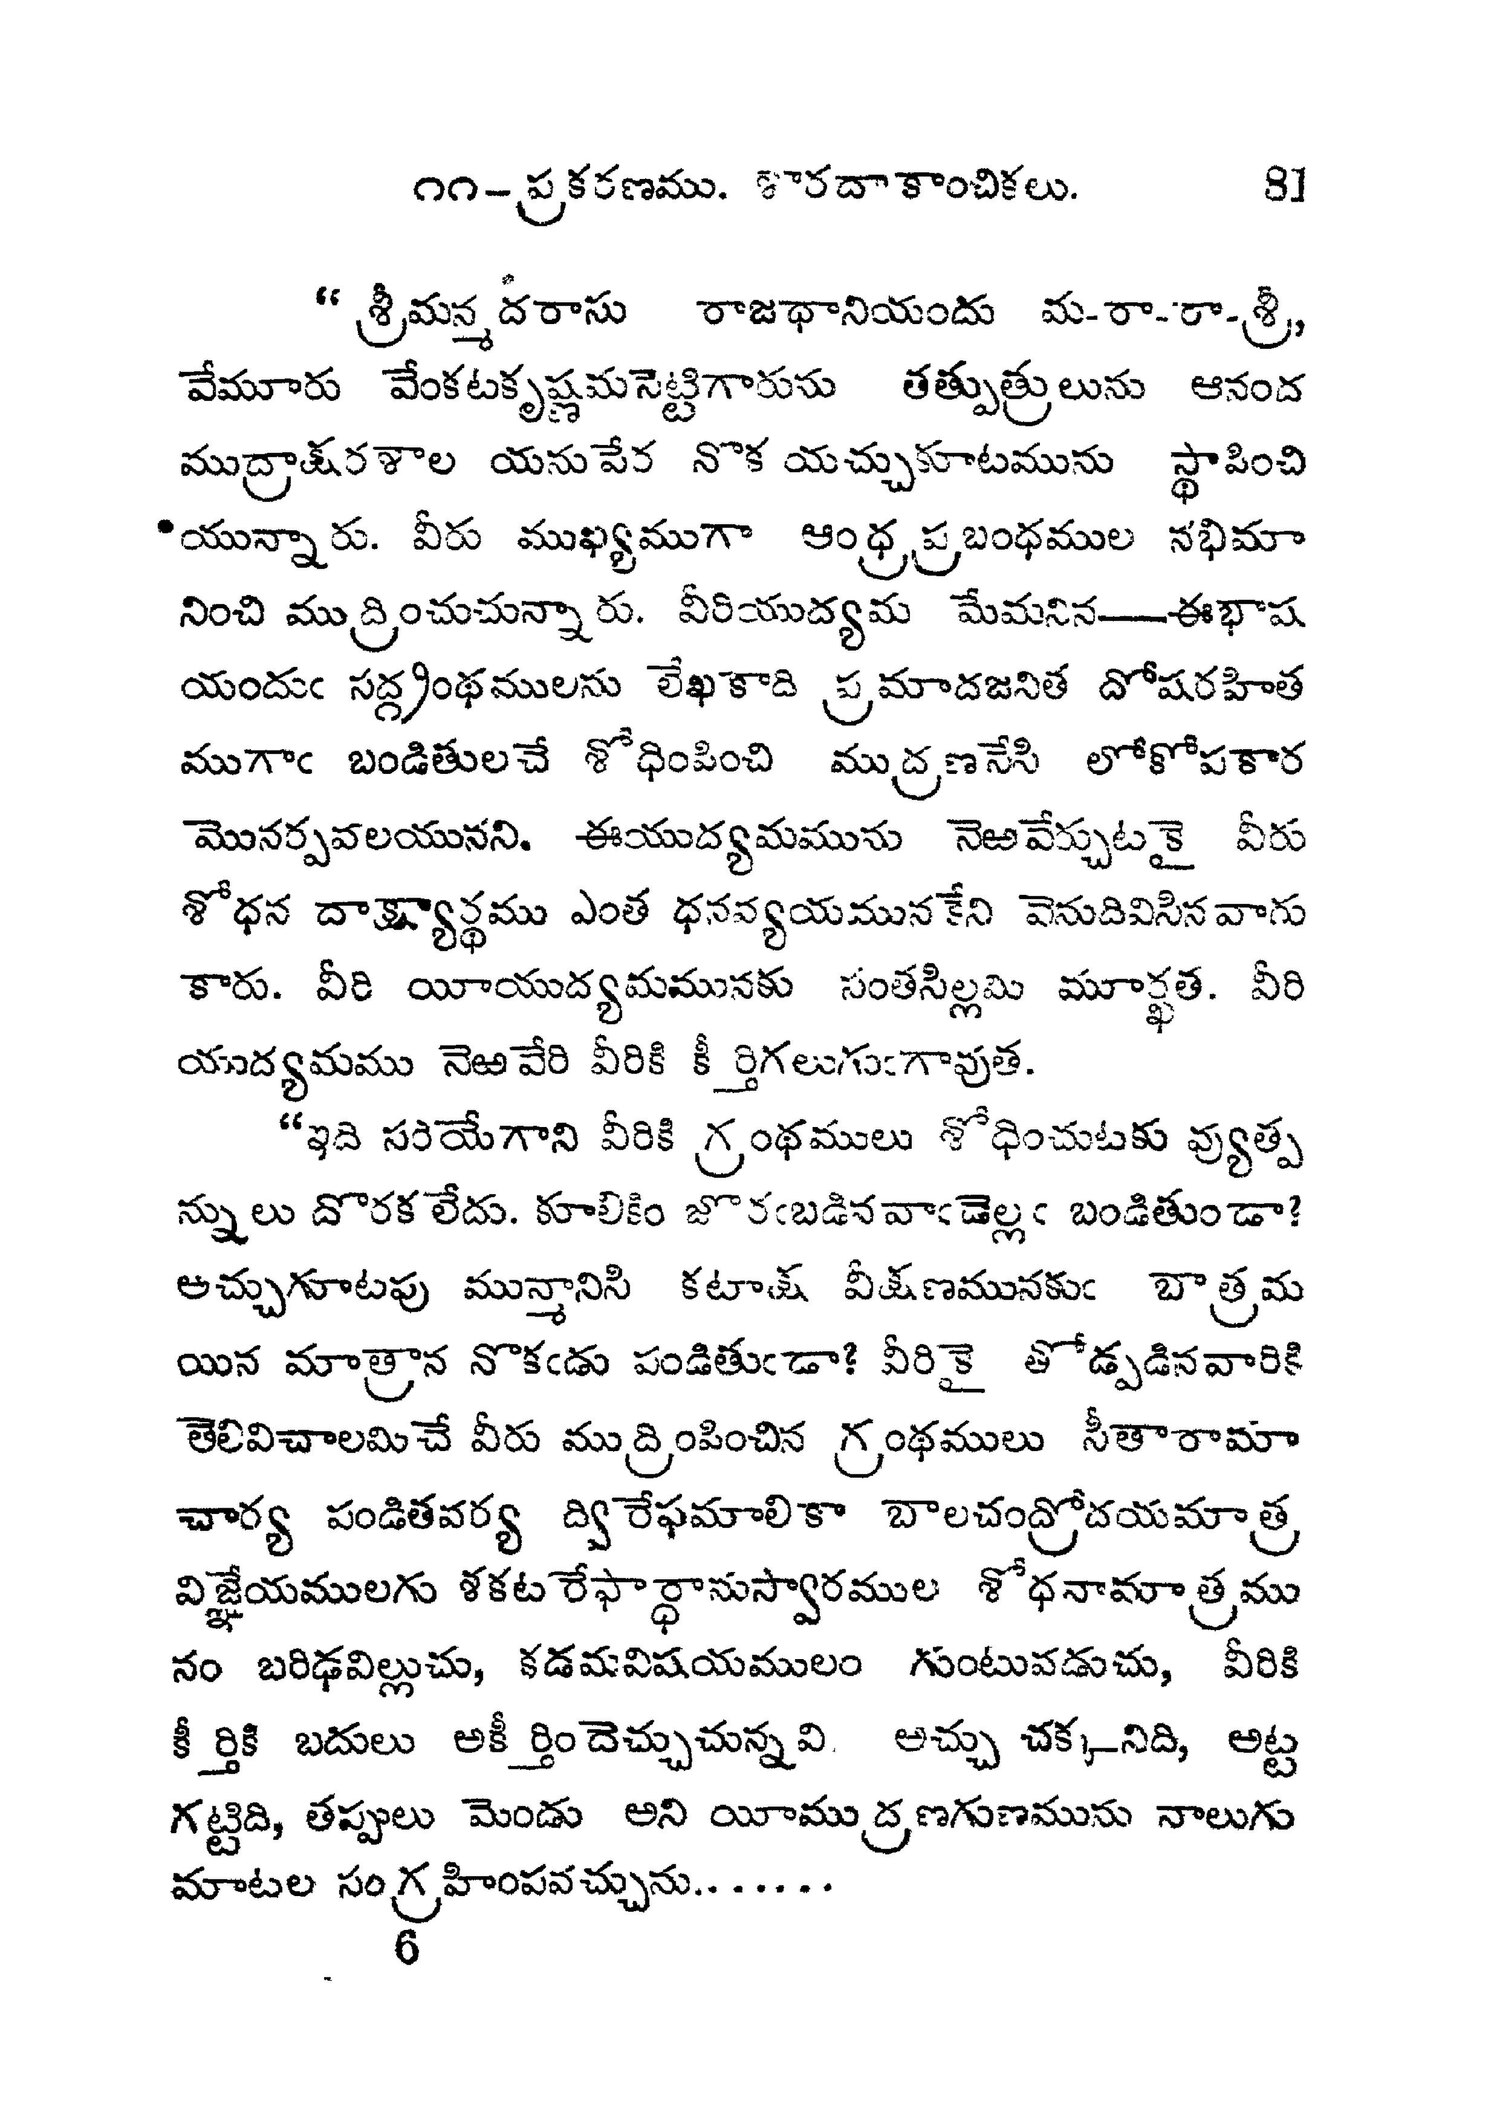"శ్రీమన్మదరాసు రాజథానియందు మ.రా.రా.శ్రీ, వేమూరు వేంకటకృష్ణమసెట్టిగారును తత్పుత్రులును ఆనంద ముద్రాక్షరశాల యనుపేర నొక యచ్చకూటమును స్థాపించి యున్నారు. వీరు ముఖ్యముగా ఆంధ్రప్రబంధముల నభిమానించి ముద్రించుచున్నారు. వీరియుద్యమ మేమనిన - ఈభాషయందు సద్గ్రంథములను లేఖకాది ప్రమాదజనిత దోషరహితముగా బండితులచే శోధింపించి ముద్రణసేసి లోకోపకార మొనర్పవలయునని, ఈయుద్యమమును నెఱవేర్చుటకై వీరు శోధన దాక్ష్యార్థము ఎంత ధనవ్యయమునకేని వెనుదివిసినవారు కారు. వీరి యీయుద్యమమునకు సంతసిల్లమి మూర్ఖత. వీరి యుద్యమము నెఱవేరి వీరికి కీర్తిగలుగు గావుత.

"ఇది సరియేగాని వీరికి గ్రంథములు శోధించుటకు వ్యుత్పన్నులు దొరకలేదు. కూలికిం జొరబడినవాడెల్ల బండితుండా? అచ్చుగూటపు మున్మానిసి కటాక్ష వీక్షణమునకు బాత్రమయిన మాత్రాన నొకడు పండితుడా? వీరికై తోడ్పడినవారికి తెలివిచాలమిచే వీరు ముద్రింపించిన గ్రంథములు సీతారామాచార్య పండితవర్య ద్విరేఫమాలికా బాలచంద్రోదయమాత్ర విజ్ఞేయములగు శకటరేఫార్థానుస్వారముల శోధనామాత్రమునం బరిడవిల్లుచు, కడమవిషయములం గుంటుపడుచు, వీరికి కీర్తికి బదులు ఆకీర్తిందెచ్చుచున్నవి. అచ్చు చక్కనిది, అట్ట గట్టిది, తప్పులు మెండు అని యీముద్రణగుణమును నాలుగు మాటల సంగ్రహింపవచ్చును..........